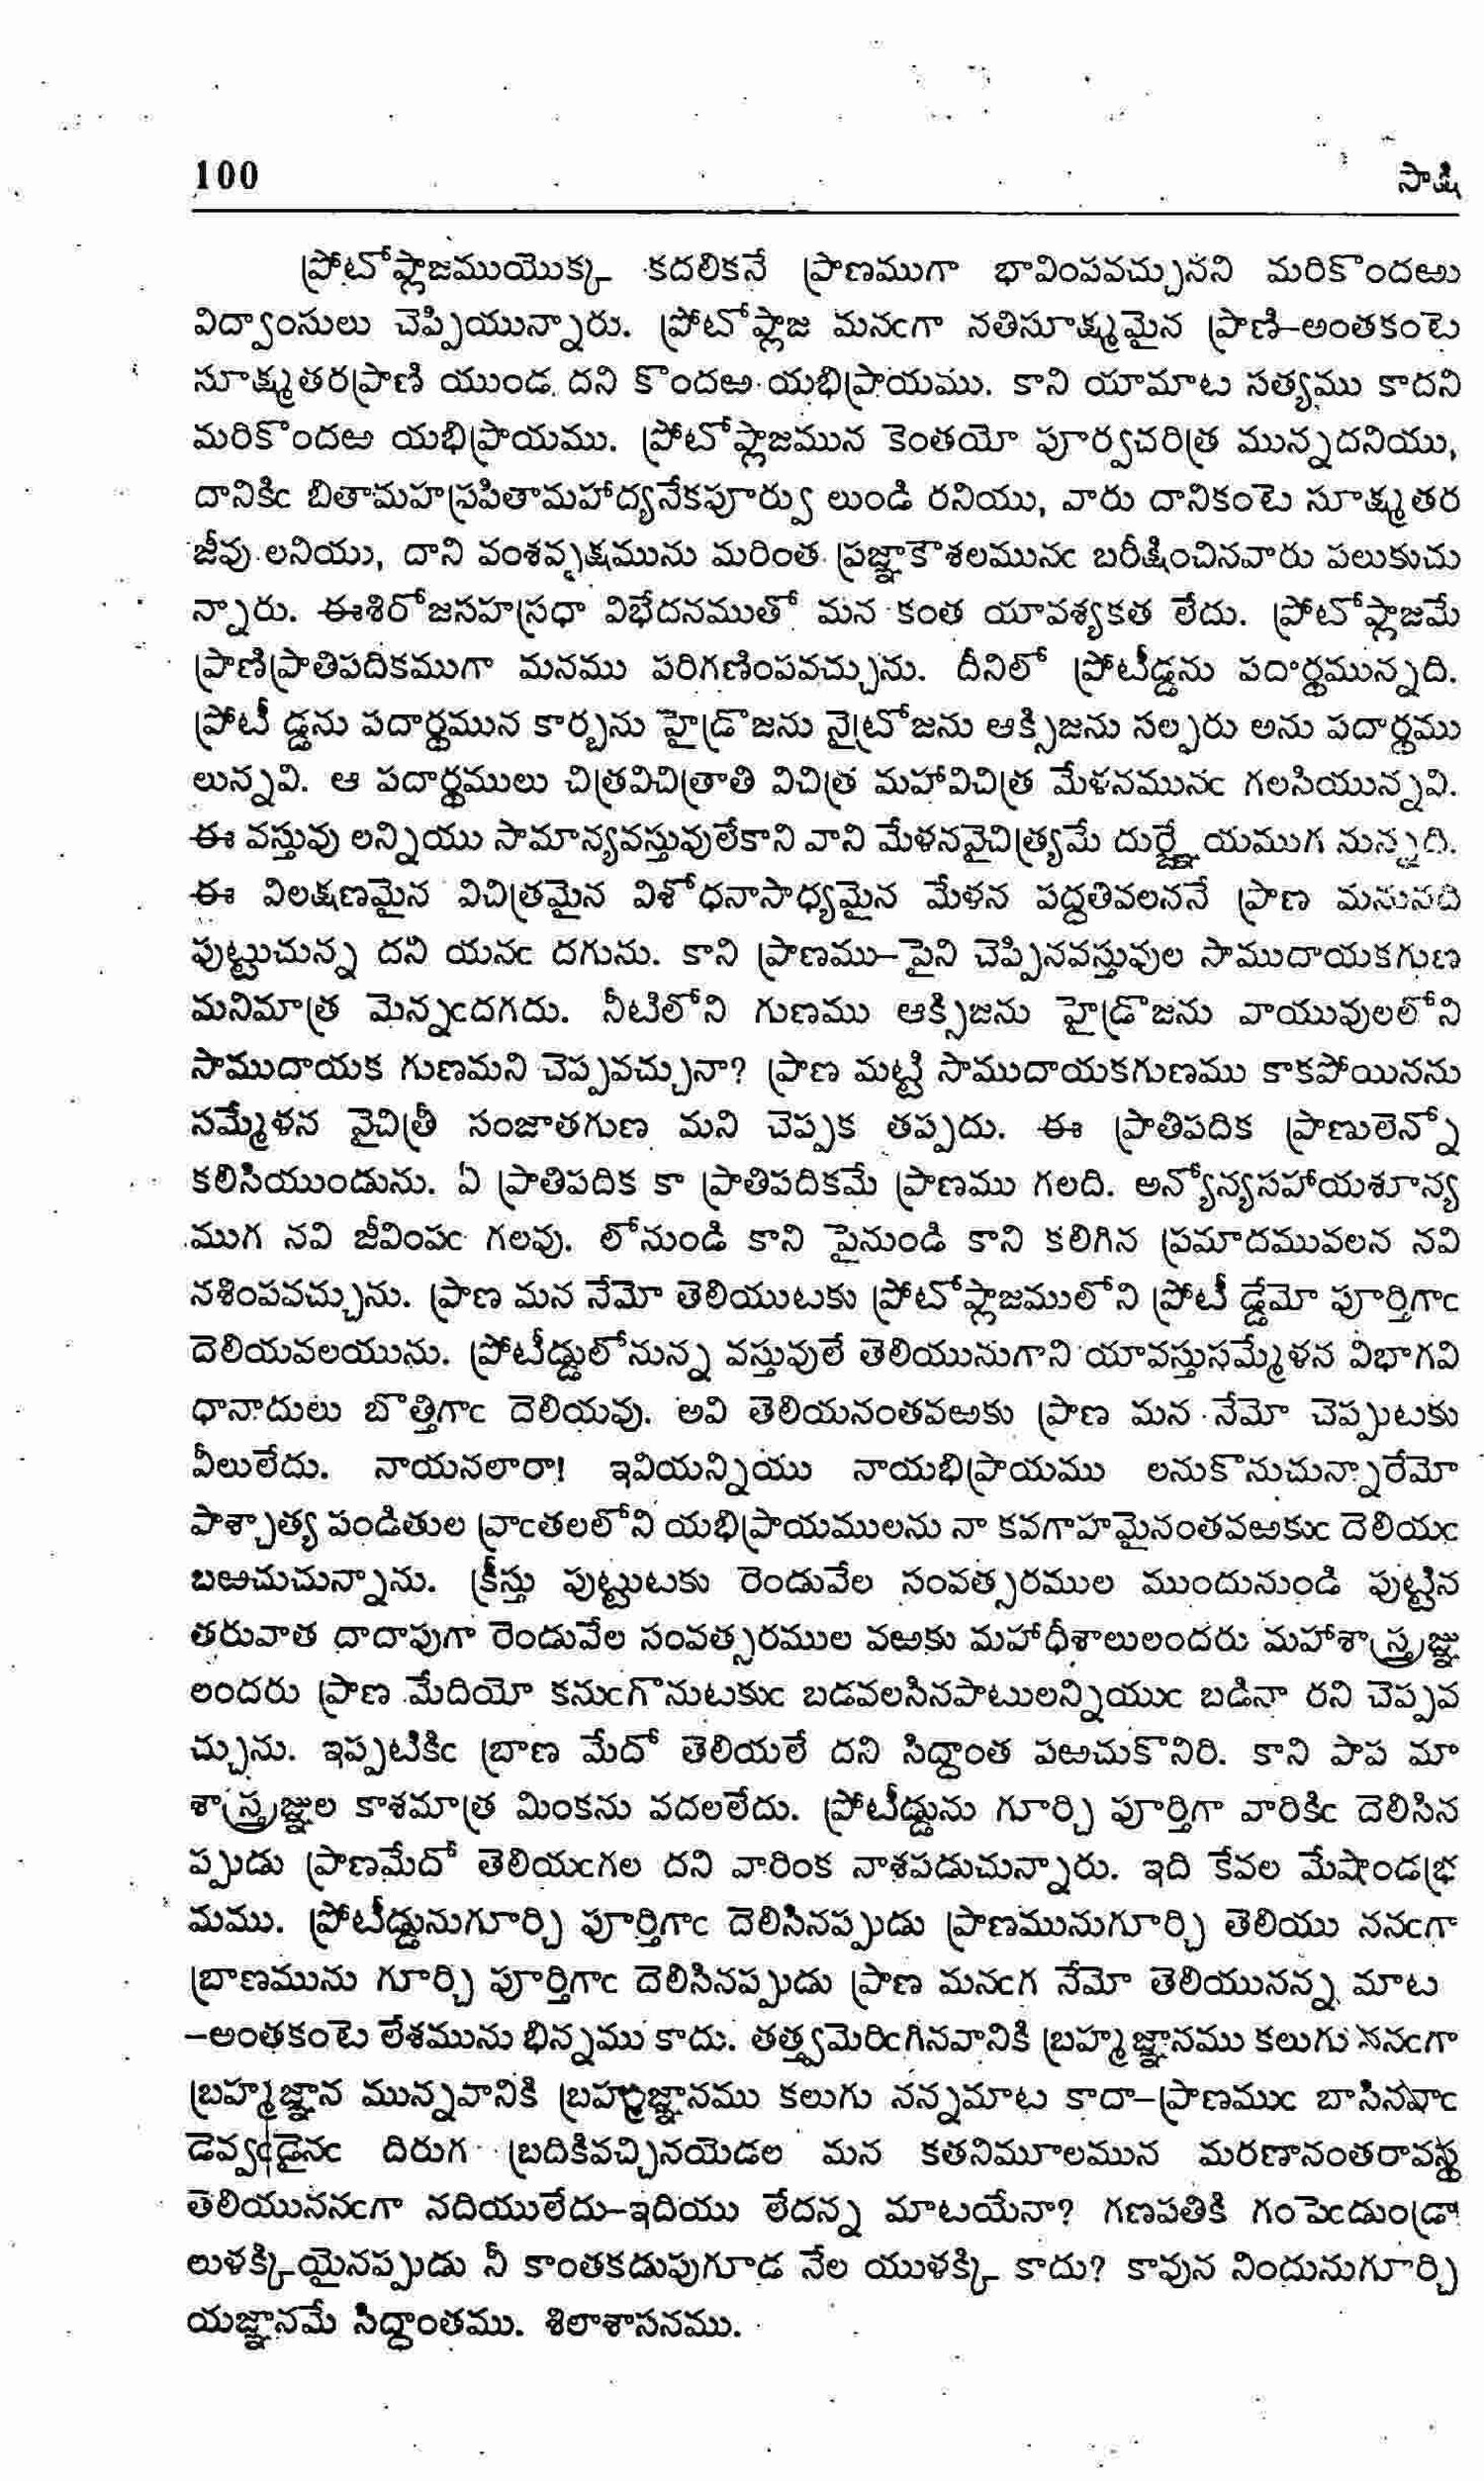'ప్రోటోప్లాజముయొక్క కదలికనే ప్రాణముగా భావింపవచ్చునని మరికొందఱు 
విద్వాంసులు చెప్పియున్నారు. ప్రోటోఫ్లాజ మనంగా నతిసూక్ష్మమైన ప్రాణి-అంతకంటే 
నూ క్ష్మ తరప్రాణి యుండ. దని కొందణ-యభి ప్రాయము. కాని యామాట సత్యము కాదని
మరికొందణ యభిప్రాయము. ్రోటోఫ్లాజమున కెంతయో పూర్వచరిత్ర మున్నదనియు,
దానికిం బితామహ ప్రపితామహాద్యనేకపూర్వు లుండి రనియు, వారు దానికంటు సూక్ష్మతర
జీవు.లనియు, దాని వంశవృక్షమును మరింత. ప్రజ్ఞాకాశలమునం బరీక్షించినవారు పలుకుచు
న్నారు. ఈశిరోజసహ(్రధా విభేదనముతో మన "కంత యావశ్యకత లేదు. ప్రోటోప్లాజమే
'ప్రాణిప్రాతిపదికముగా మనము పరిగణింపవచ్చును. దీనిలో ప్రోటీడ్డను పదార్దమున్నది.
'ప్రోటీ డ్లను పదార్హమున కార్చను హైడ్రొజను నైట్రోజను అక్సిజను సల్ఫరు అను పదార్హము
లున్నవి. ఆ పదార్ధములు చిత్రవిచిత్రాతి విచిత్ర మహావిచిత్ర మేళశనమునం గలసియున్నవి.
ఈ వస్తువు లన్నియు సామాన్యవస్తువులేకాని వాని మేళనవైచిత్ర్యమే దుర్ల్హ్హేయముగ నున్నది.
ఈ విలక్షణమైన విచిత్రమైన విశోధనాసాధ్యమైన మేళన పద్దతివలననే ప్రాణ మనునచి
పుట్టుచున్న దని యనం దగును. కాని ప్రాణము-పైని చెప్పినవస్తువుల సాముదాయకగుణ
మనిమాత్ర మెన్నందగదు. నీటిలోని గుణము ఆక్సిజను హైడ్రాజను వాయువులలోని
సాముదాయక గుణమని చెప్పవచ్చునా? ప్రాణ మట్టి సాముదాయకగుణము కాకపోయినను
నమ్మేళన వైదిత్రీ సంజాతగుణ, మని చెప్పక తప్పుదు. ఈ ప్రాతిపదిక ప్రాణులెన్నో
- కలిసియుండును. ఏ ప్రాతిపదిక కా ప్రాతిపదికమే ప్రాణము గలది. అన్యోన్యసహాయశూన్య
.ముగ నవి జీవింపం గలవు. లోనుండి కాని పైనుండి కాని కలిగిన ప్రమాదమువలన నవి
నశింపవచ్చును. [ప్రాణ మన నేమో తెలియుటకు ప్రోచోప్లాజములోని ప్రోటీ డ్లేమో పూర్తిగాం
దెలియవలయును. ప్రోటీఢ్డులోనున్న వస్తువులే తాలియునుగాని 'యావస్తుసమ్మేళన విభాగవి
ధానాదులు బొత్తిగాం దెలియవు. అవి తెలియనంతవఅకు ప్రాణ మన -నేమో చెప్పుటకు
వీలులేదు. నాయనలారా! ఇవియన్నియు నాయభిప్రాయము లనుకొనుచున్నారేమో
పాశ్చాత్య పండితుల ధ్రాంతలలోని యభిప్రాయములను నా కవగాహమైనంతవణకుం దెలియం
బఆఅచుచున్నాను. క్రీస్తు పుట్టుటకు రెండువేల సంవత్సరముల ముందునుండి పుట్టిన
తరువాత దాదావుగా రెండువేల సంవత్సరముల వణకు మహాధీశాలులందరు మహాశా(స్త్రజ్జు
అందరు [ప్రాణ మేదియో కనుంగొనుటకుం బడవలసినపాటులన్నియుం బడినా రని చెప్పవ
చ్చును. ఇప్పటికిం బ్రాణ మేదో తెలియలే దని సిద్దాంత పజచుకొనిరి. కాని పాప మా
శా(స్త్రుజ్జుల కాశమాత్ర మింకను వదలలేదు. ప్రోటీఢ్డును గూర్చి పూర్తిగా వారికిం దెలిసిన
... ప్పుడు ప్రాణమేదో తెలియంగల దని వారింక నాశపడుచున్నారు. ఇది కేవల మేషాండభ్ర

' మము. ్రోటీడ్డునుగూర్చి పూర్తిగాం దెలిసినప్పుడు ప్రాణమునుగూర్చి తెలియు ననంగ్గా
బ్రాణమును గూర్చి పూర్తిగాం దెలిసినప్పుడు ప్రాణ మనంగ నేమో తెలియునన్న మాట
-అంఛకంటె లేశమును భిన్నము కాదు. తత్త్వమెరింగినవానికి బ్రహ్మజ్ఞానము కలుగు ననంగా
బ్రహ్మజ్ఞాన మున్నవానికి బ్రహస్తిజ్ఞానము కలుగు నన్నమాట కాదా-ప్రాణముం బాసినవాం
కో దిరుగ' - బ్రదికివచ్చినయెడల మన కతనిమూలమున మరణానంతరావస్ట్ర
తెలియుననంగా నదియులేదు-ఇదియు లేదన్న మాటయేనా? గణపతికి గంపెండుండ్రా
లుళక్కియైనప్పుడు నీ కాంతకడుపుగూడ నేల యుళక్కి కాదు? కావున నిందునుగూర్చి
యజ్ఞానమే సిద్దాంతము. శిలాశాసనము.